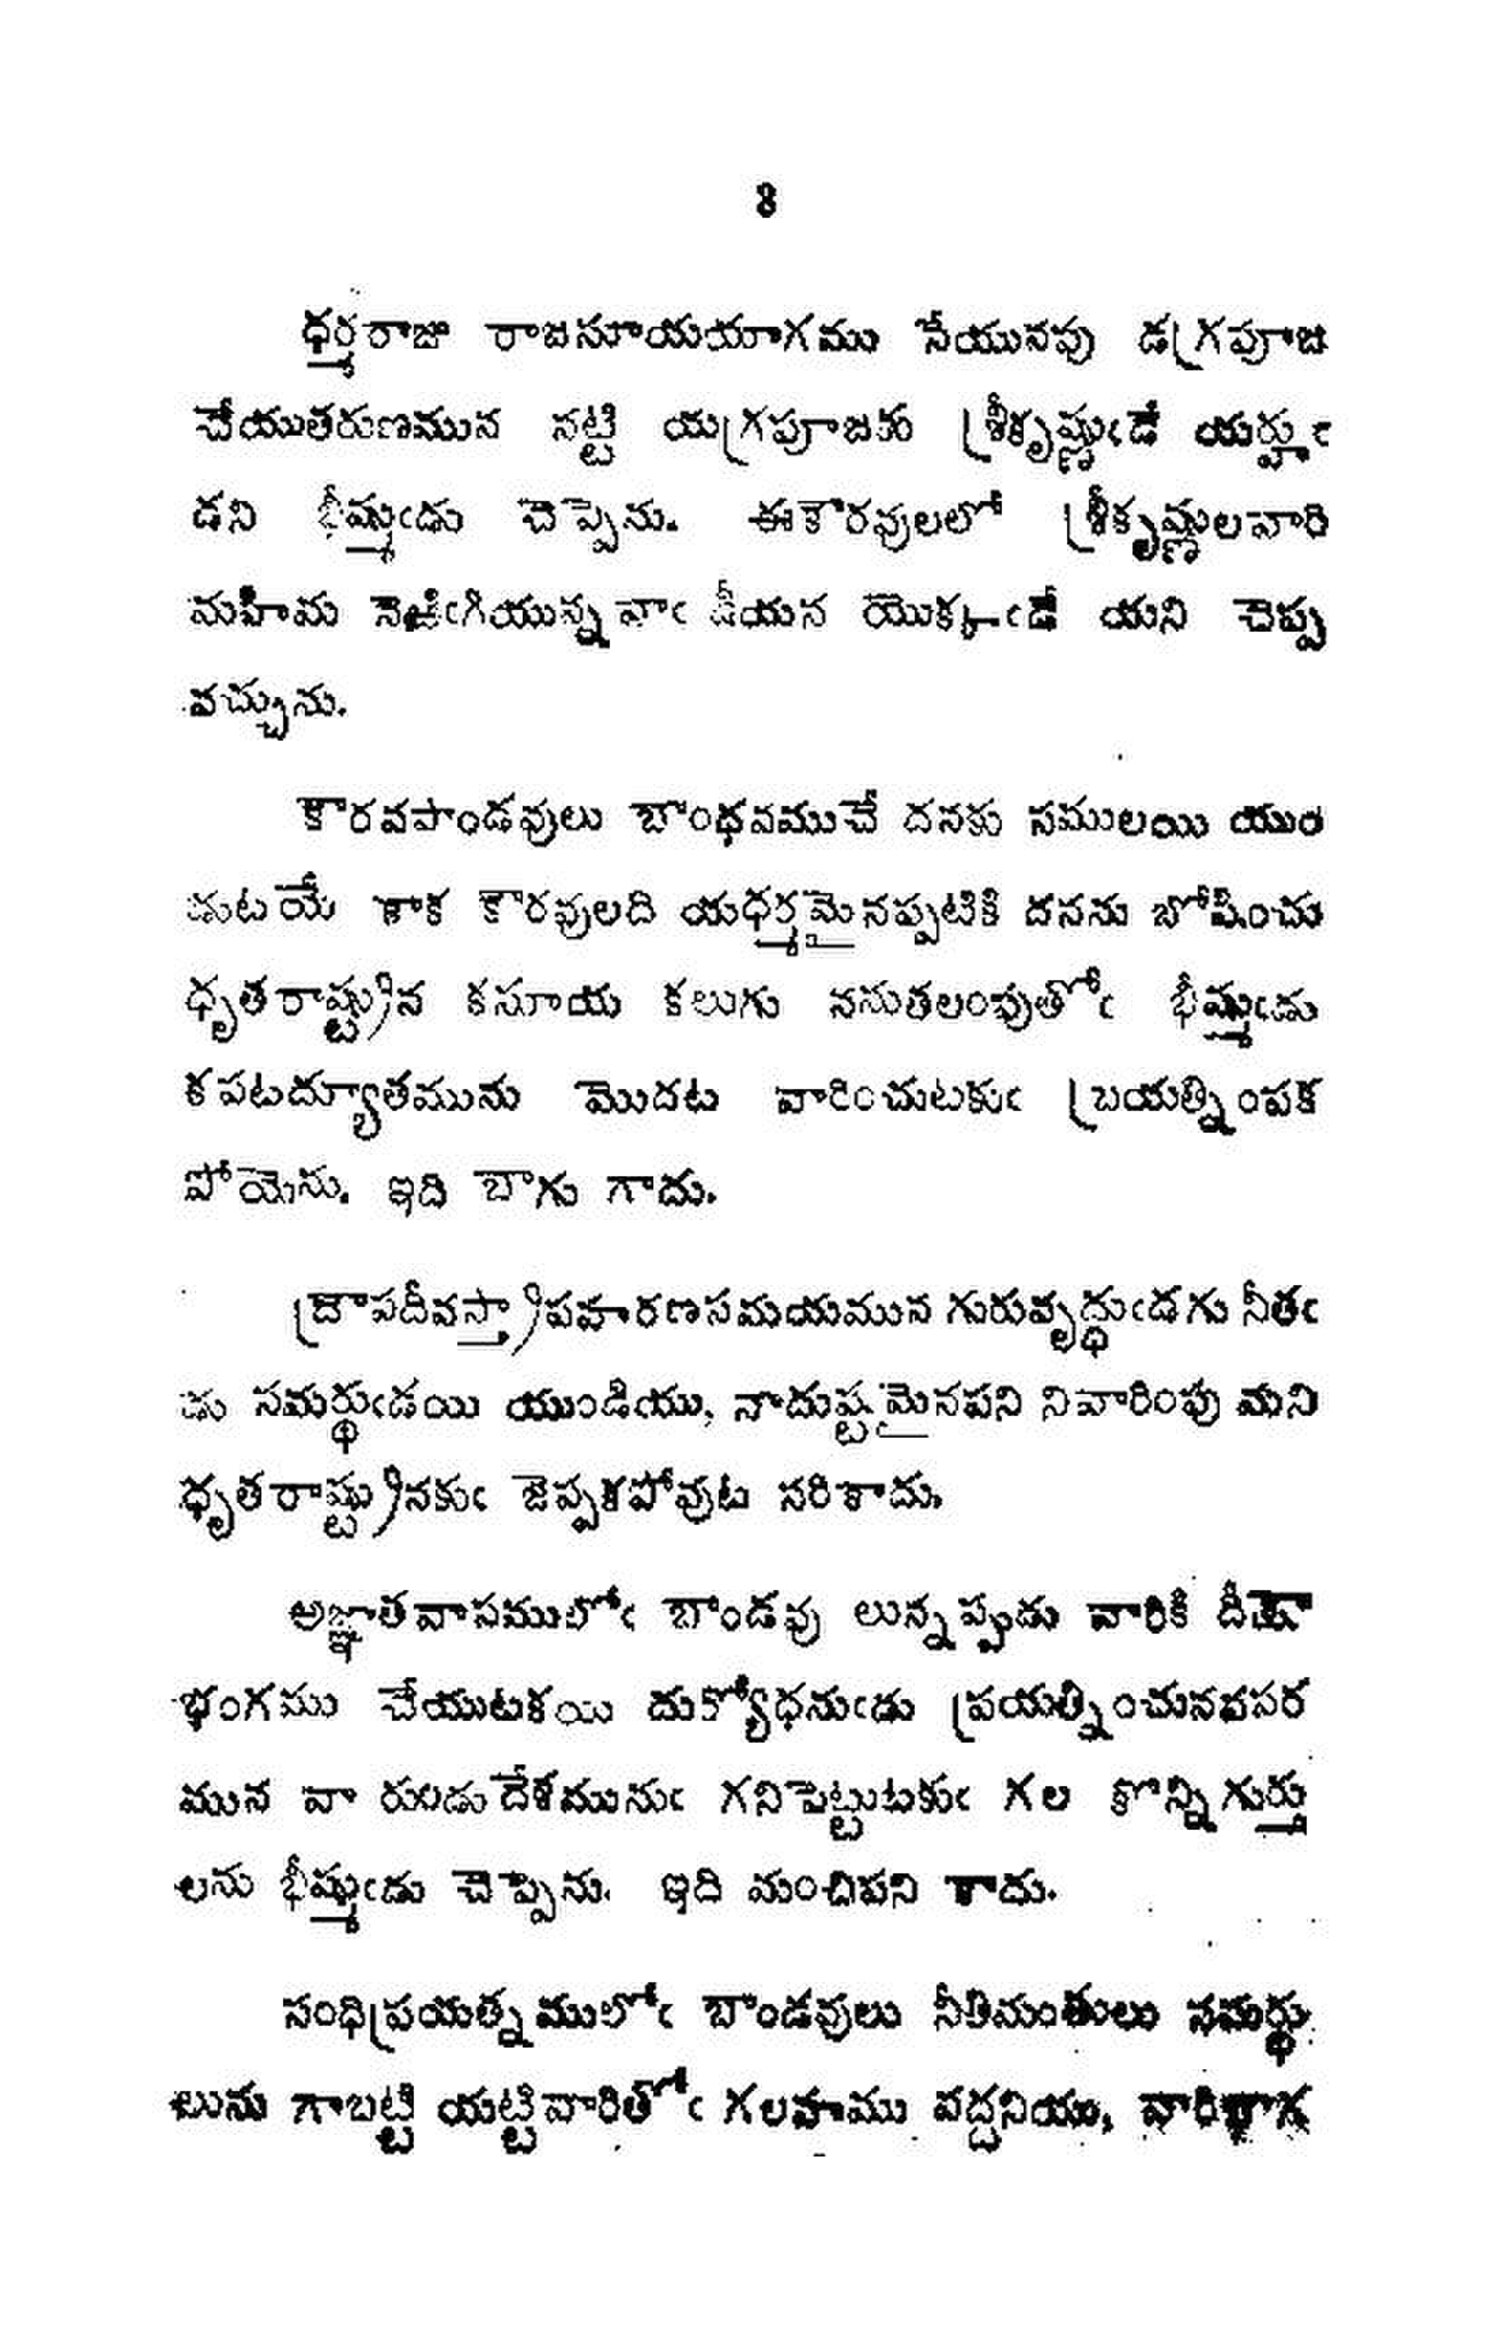ధర్మరాజు రాజసూయయాగము సేయునపు డగ్రపూజ చేయుతరుణమున నట్టి యగ్రపూజకు శ్రీకృష్ణుఁడే యర్హుఁడని భీష్ముడు చెప్పెను. ఈకౌరవులలో శ్రీకృష్ణులవారి మహిమ నెఱిఁగియున్న వాఁ డీయన యొక్కఁడే యని చెప్పవచ్చును.

కౌరవపాండవులు బాంధవముచే దనకు సములయి యుండుటయే కాక కౌరవులది యధర్మమైనప్పటికి దనను బోషించు ధృతరాష్ట్రున కసూయ కలుగు ననుతలంపుతోఁ భీష్ముఁడు
కపటద్యూతమును మొదట వారించుటకుఁ బ్రయత్నింపక పోయెను. ఇది బాగు గాదు.

ద్రౌపదీవస్త్రాపహరణసమయమున గురువృద్ధుఁడగు నీతఁడు సమర్థుఁడయి యుండియు, నాదుష్టమైనపని నివారింపు మని ధృతరాష్ట్రునకుఁ జెప్పకపోవుట సరికాదు

అజ్ఞాతవాసములోఁ బాండవు లున్నప్పుడు వారికి దీక్షాభంగము చేయుటకయి దుర్యోధనుఁడు ప్రయత్నించునవసరమున వా రుండుదేశమునుఁ గనిపెట్టుటకుఁ గల కొన్నిగుర్తులను భీష్ముఁడు చెప్పెను. ఇది మంచిపని కాదు.

సంధిప్రయత్నములోఁ బాండవులు నీతిమంతులు సమర్ధులును గాబట్టి యట్టివారితోఁ గలహము వద్దనియు, వారిభాగ